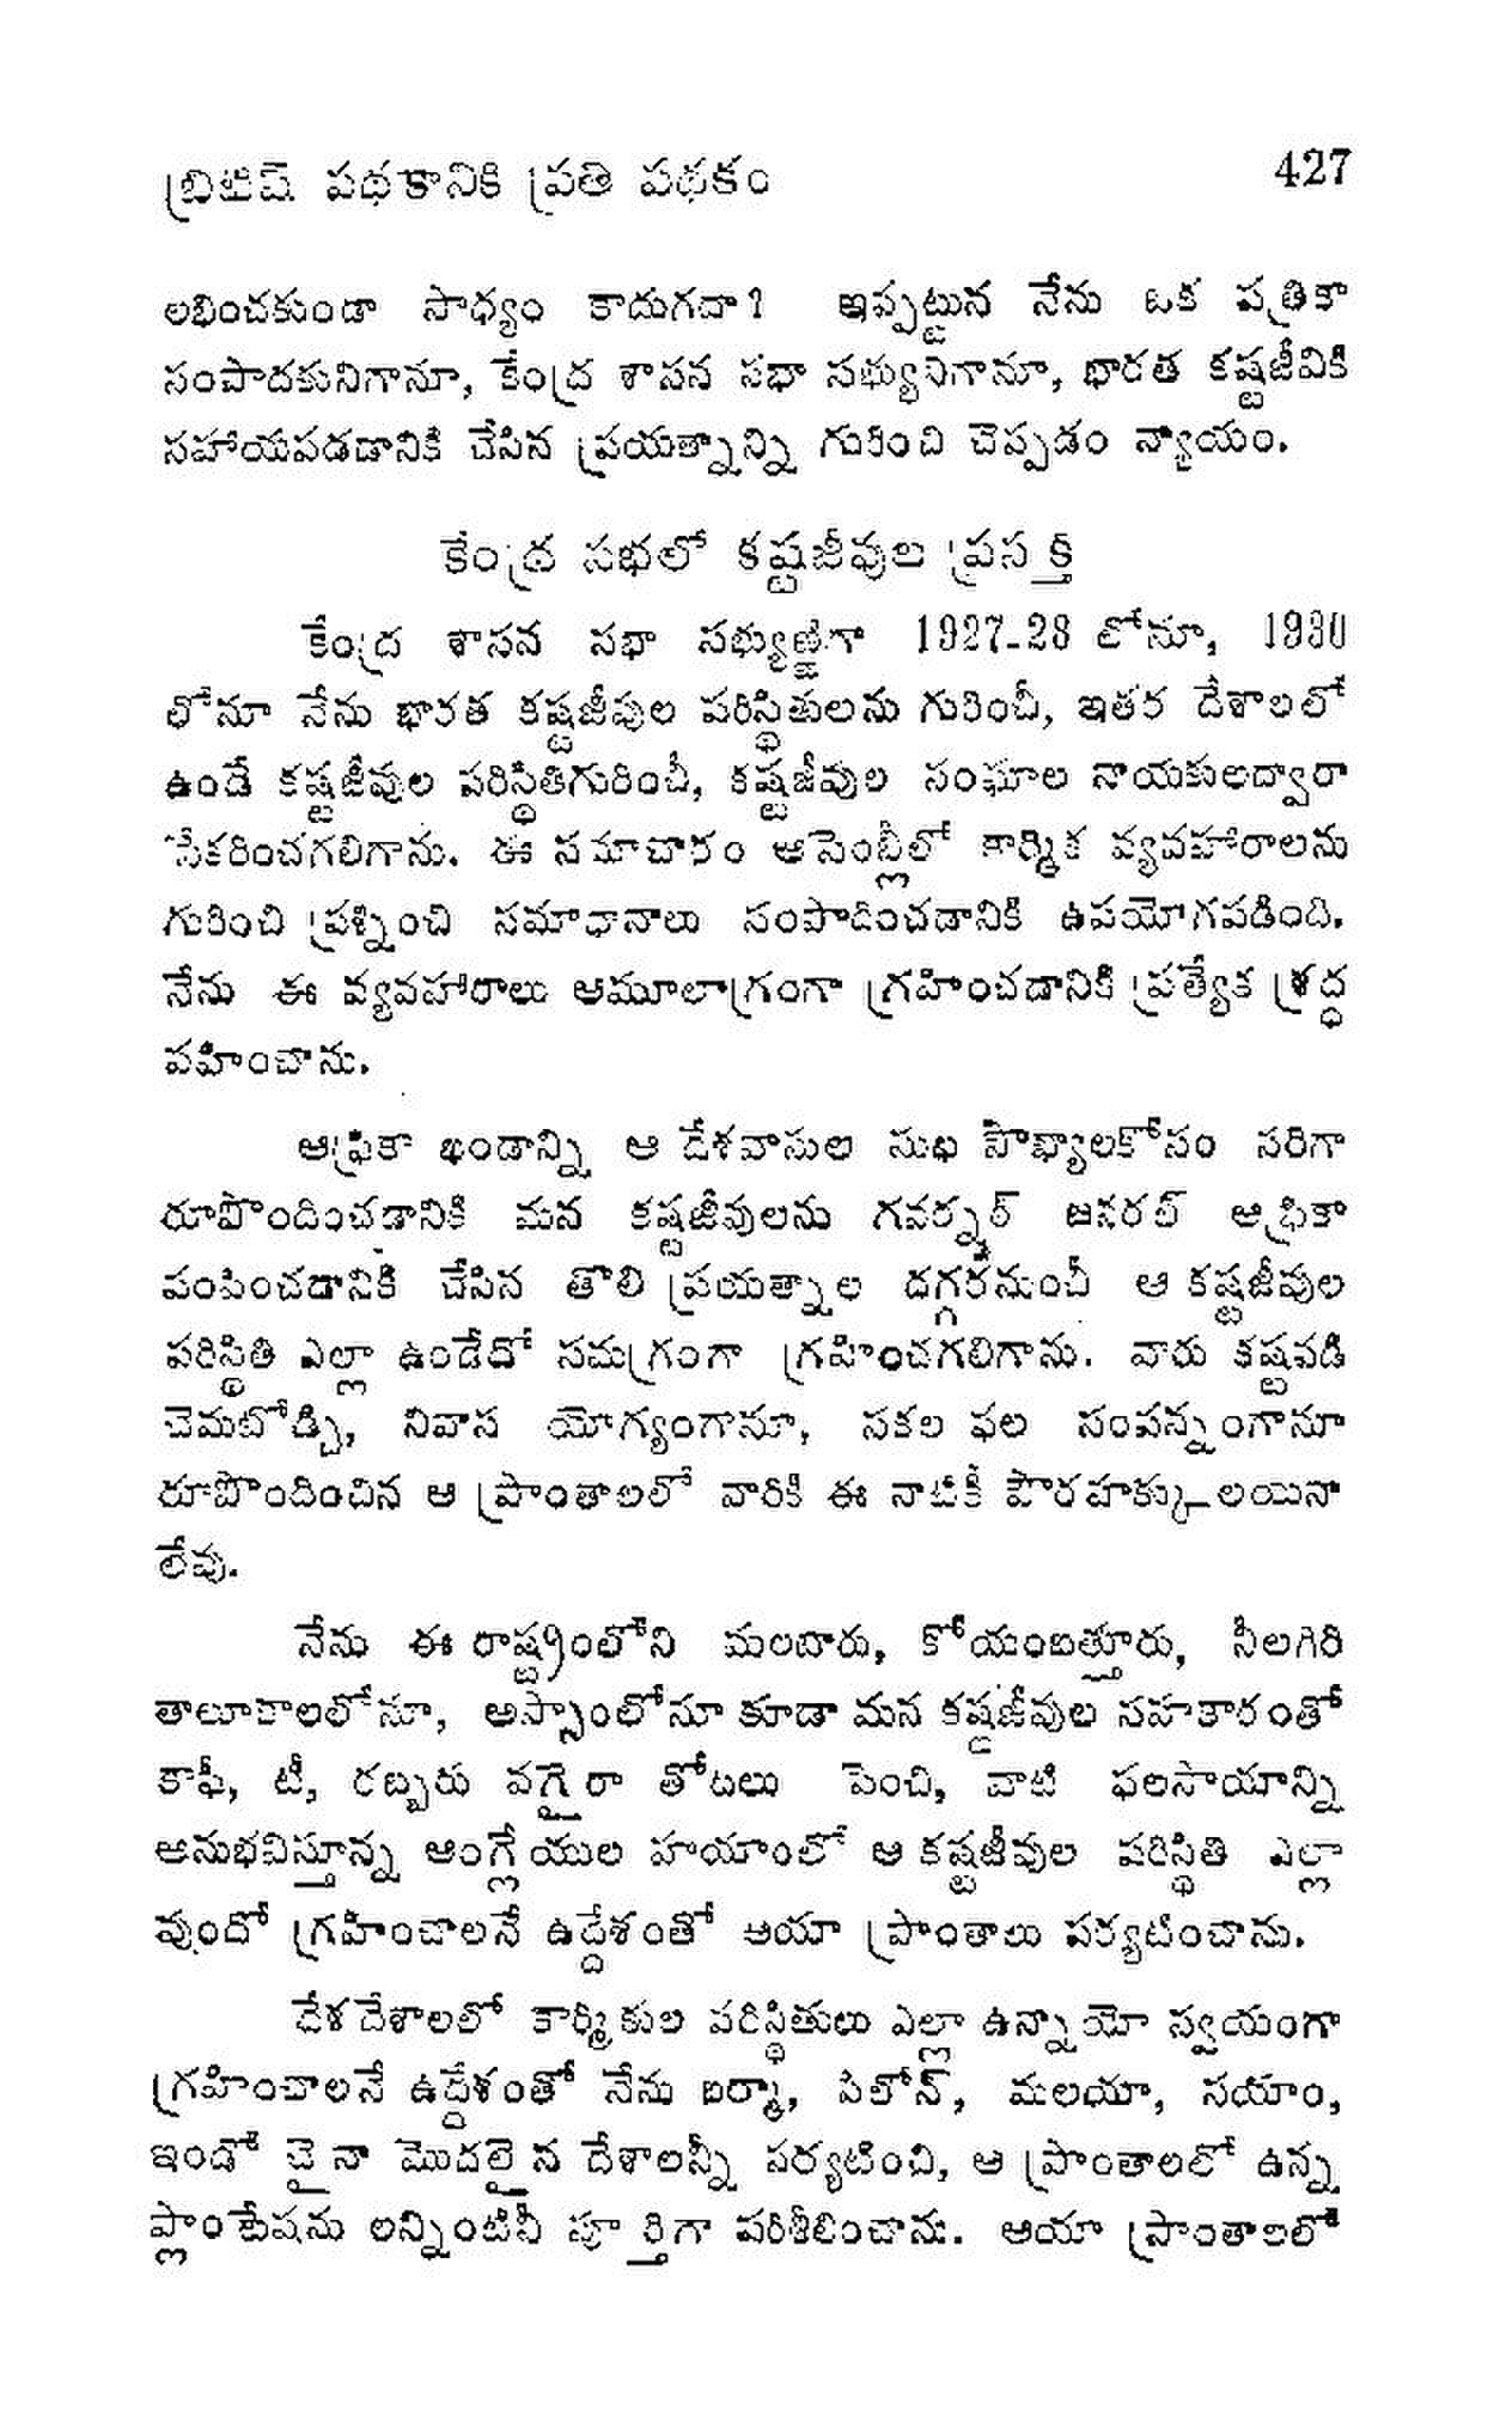లభించకుండా సాధ్యం కాదుగదా? ఇప్పట్టున నేను ఒక పత్రికా సంపాదకునిగానూ, కేంద్ర శాసన సభా సభ్యునిగానూ, భారత కష్టజీవికి సహాయపడడానికి చేసిన ప్రయత్నాన్ని గురించి చెప్పడం న్యాయం.

కేంద్ర శాసన సభా సభ్యుణ్ణిగా 1927 - 28 లోనూ, 1930 లోనూ నేను భారత కష్టజీవుల పరిస్థితులను గురించీ, ఇతర దేశాలలో ఉండే కష్టజీవుల పరిస్థితిగురించీ, కష్టజీవుల సంఘాల నాయకులద్వారా సేకరించగలిగాను. ఈ సమాచారం అసెంబ్లీలో కార్మిక వ్యవహారాలను గురించి ప్రశ్నించి సమాధానాలు సంపాదించడానికి ఉపయోగపడింది. నేను ఈ వ్యవహారాలు ఆమూలాగ్రంగా గ్రహించడానికి ప్రత్యేక శ్రద్ధ వహించాను.

ఆఫ్రికా ఖండాన్ని ఆ దేశవాసుల సుఖ సౌఖ్యాలకోసం సరిగా రూపొందించడానికి మన కష్టజీవులను గవర్నర్ జనరల్ ఆఫ్రికా పంపించడానికి చేసిన తొలి ప్రయత్నాల దగ్గరనుంచీ ఆ కష్టజీవుల పరిస్థితి ఎల్లా ఉండేదో సమగ్రంగా గ్రహించగలిగాను. వారు కష్టపడి చెమటోడ్చి, నివాస యోగ్యంగానూ, సకల ఫల సంపన్నంగానూ రూపొందించిన ఆ ప్రాంతాలలో వారికి ఈ నాటికీ పౌరహక్కులయినా లేవు.

నేను ఈ రాష్ట్రంలోని మలబారు, కోయంబత్తూరు, నీలగిరి తాలూకాలలోనూ, అస్సాంలోనూ కూడా మన కష్టజీవుల సహకారంతో కాఫీ, టీ, రబ్బరు వగైరా తోటలు పెంచి, వాటి ఫలసాయాన్ని అనుభవిస్తూన్న ఆంగ్లేయుల హయాంలో ఆ కష్టజీవుల పరిస్థితి ఎల్లా వుందో గ్రహించాలనే ఉద్దేశంతో ఆయా ప్రాంతాలు పర్యటించాను.

దేశదేశాలలో కార్మికుల పరిస్థితులు ఎల్లా ఉన్నాయో స్వయంగా గ్రహించాలనే ఉద్దేశంతో నేను బర్మా, సిలోన్, మలయా, సయాం, ఇండో చైనా మొదలైన దేశాలన్నీ పర్యటించి, ఆ ప్రాంతాలలో ఉన్న ప్లాంటేషను లన్నింటినీ పూర్తిగా పరిశీలించాను. ఆయా ప్రాంతాలలో